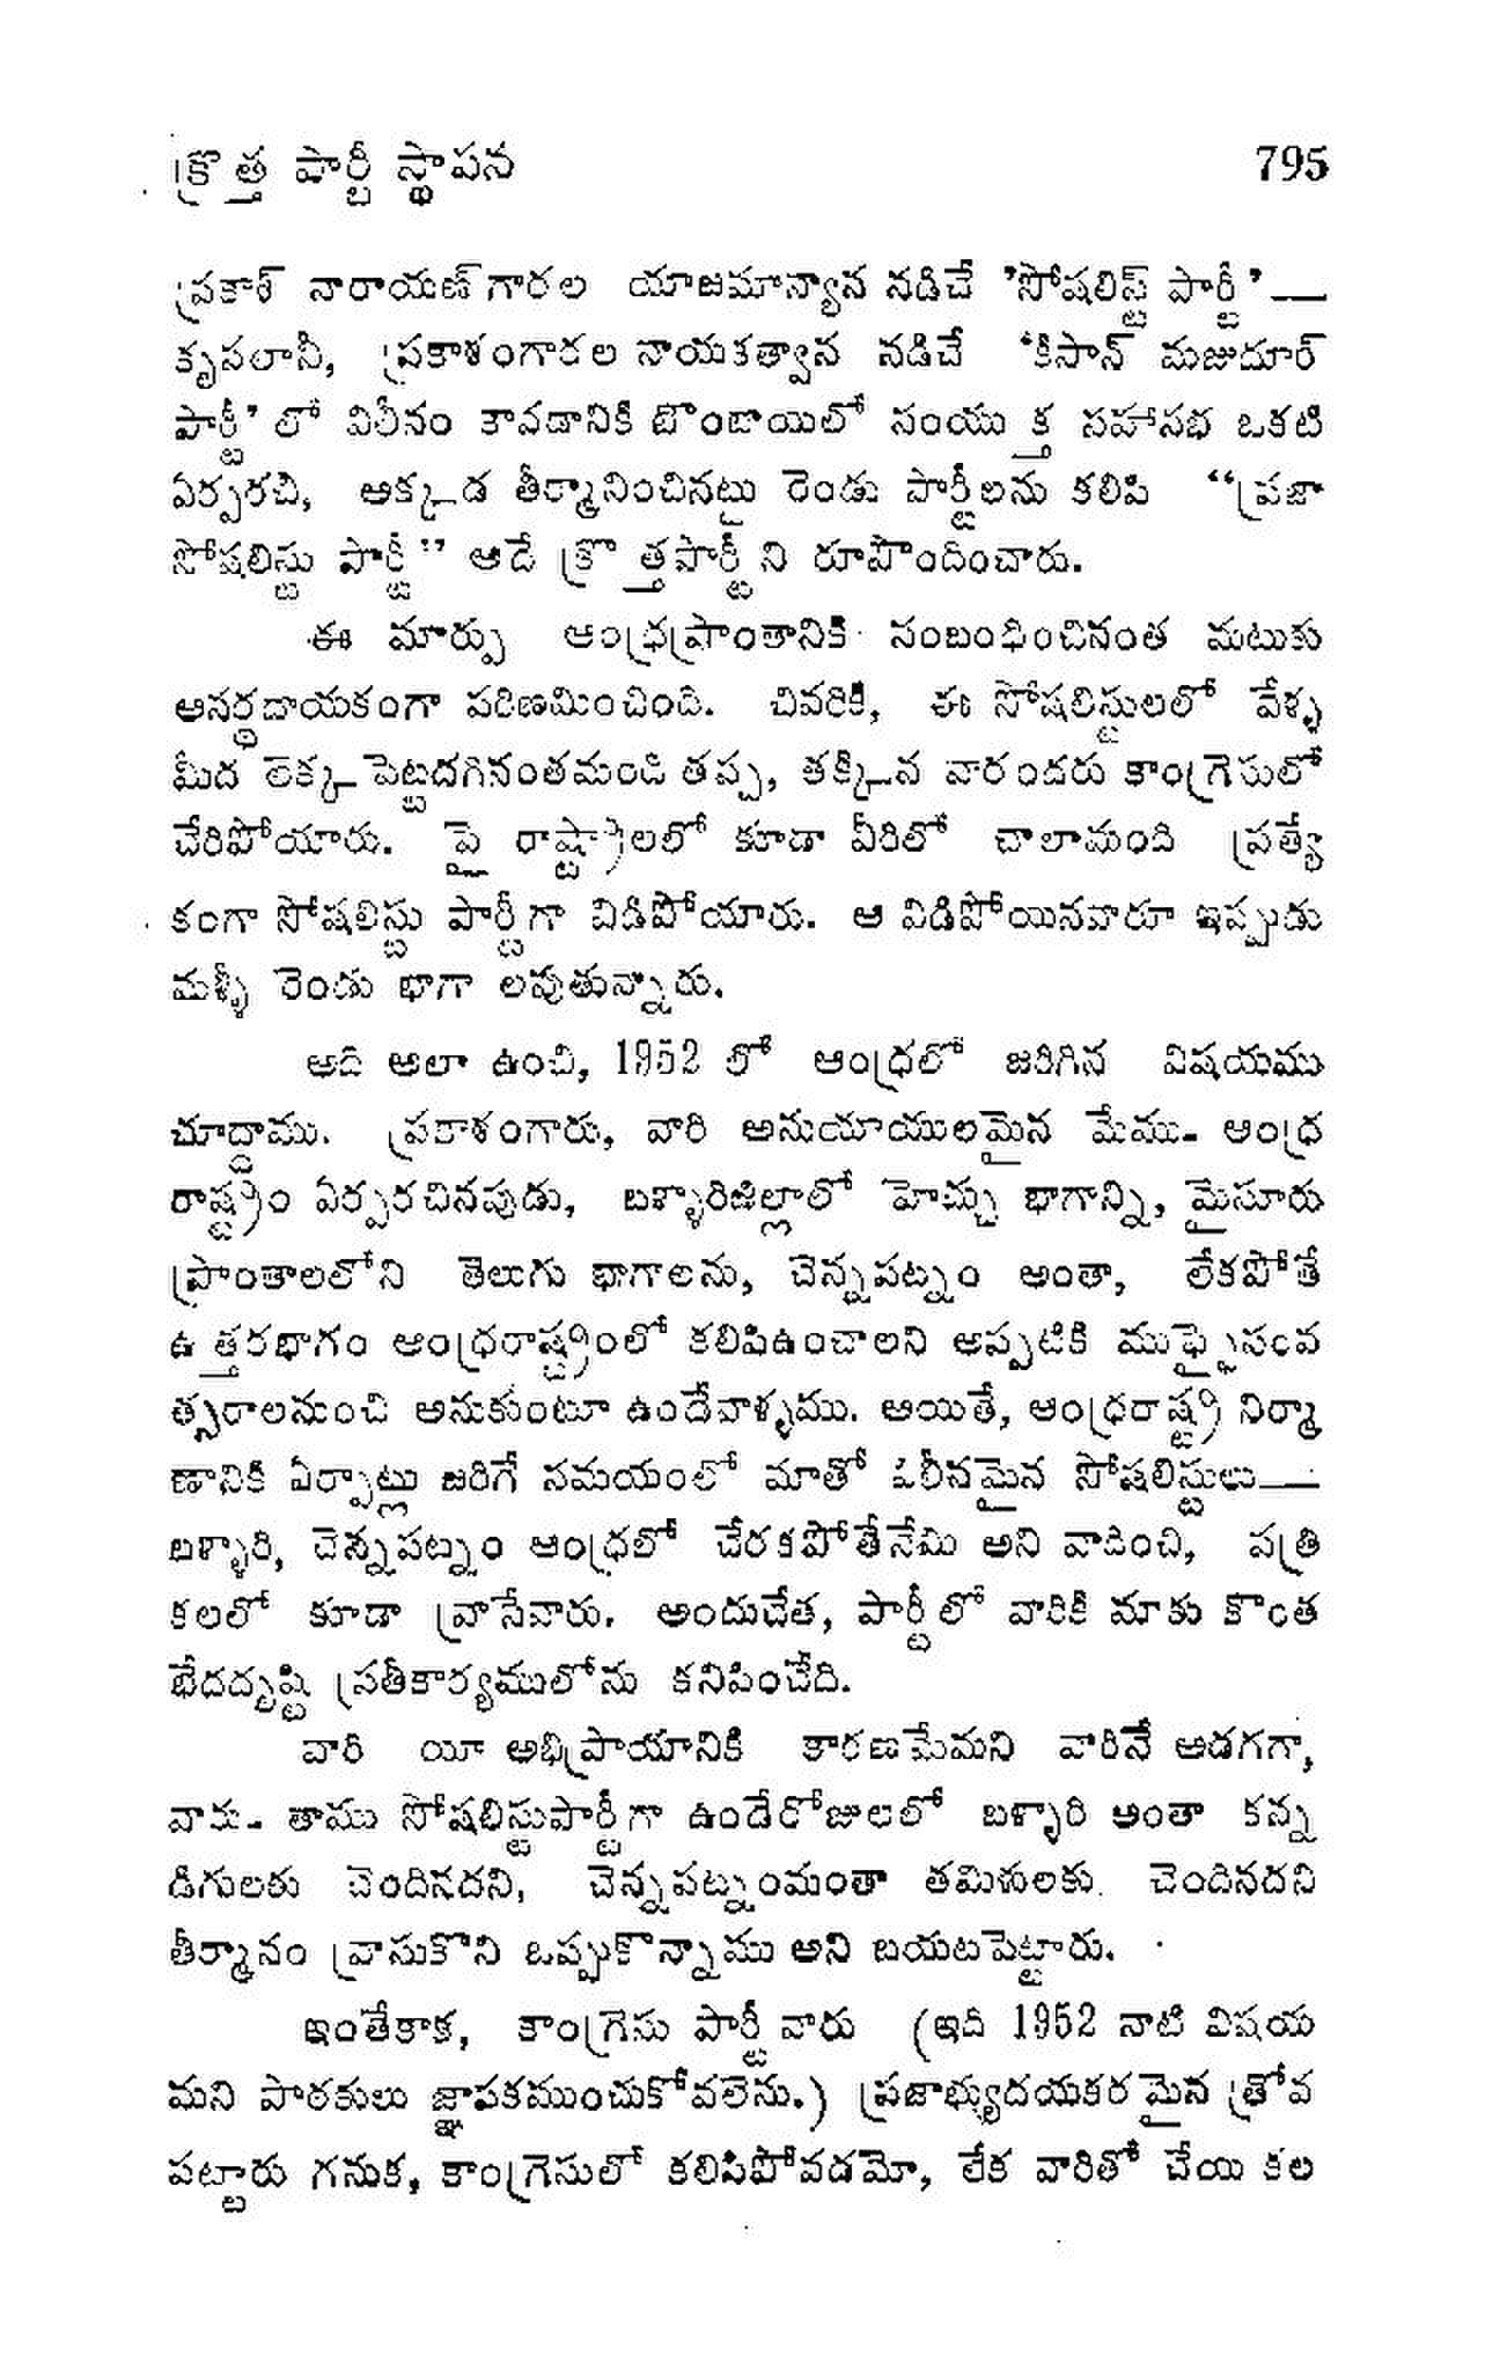ప్రకాశ్ నారాయణ్‌గారల యాజమాన్యాన నడిచే 'సోషలిస్ట్ పార్టీ' - కృపలానీ, ప్రకాశంగారల నాయకత్వాన నడిచే 'కిసాన్ మజుదూర్‌ పార్టీ' లో విలీనం కావడానికి బొంబాయిలో సంయుక్త సహాసభ ఒకటి ఏర్పరచి, అక్కడ తీర్మానించినట్టు రెండు పార్టీలను కలిపి "ప్రజా సోషలిస్టు పార్టీ" అదే క్రొత్తపార్టీని రూపొందించారు.

ఈ మార్పు ఆంధ్రప్రాంతానికి సంబంధించినంత మటుకు అనర్థదాయకంగా పరిణమించింది. చివరికి, ఈ సోషలిస్టులలో వేళ్ళ మీద లెక్క పెట్టదగినంతమంది తప్ప, తక్కిన వారందరు కాంగ్రెసులో చేరిపోయారు. పై రాష్ట్రాలలో కూడా వీరిలో చాలామంది ప్రత్యేకంగా సోషలిస్టు పార్టీగా విడిపోయారు. ఆ విడిపోయినవారూ ఇప్పుడు మళ్ళీ రెండు భాగా లవుతున్నారు.

అది అలా ఉంచి, 1952 లో ఆంధ్రలో జరిగిన విషయము చూద్దాము. ప్రకాశంగారు, వారి అనుయాయులమైన మేము - ఆంధ్ర రాష్ట్రం ఏర్పరచినపుడు, బళ్ళారిజిల్లాలో హెచ్చు భాగాన్ని, మైసూరు ప్రాంతాలలోని తెలుగు భాగాలను, చెన్నపట్నం అంతా, లేకపోతే ఉత్తరభాగం ఆంధ్రరాష్ట్రంలో కలిపిఉంచాలని అప్పటికి ముఫ్పైసంవత్సరాలనుంచి అనుకుంటూ ఉండేవాళ్ళము. అయితే, ఆంధ్రరాష్ట్ర నిర్మాణానికి ఏర్పాట్లు జరిగే సమయంలో మాతో విలీనమైన సోషలిస్టులు - బళ్ళారి, చెన్నపట్నం ఆంధ్రలో చేరకపోతేనేమి అని వాదించి, పత్రికలలో కూడా వ్రాసేవారు. అందుచేత, పార్టీలో వారికి మాకు కొంత భేదదృష్టి ప్రతీకార్యములోను కనిపించేది.

వారి యీ అభిప్రాయానికి కారణమేమని వారినే అడగగా, వారు - తాము సోషలిస్టుపార్టీగా ఉండేరోజులలో బళ్ళారి అంతా కన్నడిగులకు చెందినదని, చెన్నపట్నంమంతా తమిళులకు చెందినదని తీర్మానం వ్రాసుకొని ఒప్పుకొన్నాము అని బయటపెట్టారు.

ఇంతేకాక, కాంగ్రెసు పార్టీ వారు (ఇది 1952 నాటి విషయమని పాఠకులు జ్ఞాపకముంచుకోవలెను.) ప్రజాభ్యుదయకరమైన త్రోవపట్టారు గనుక, కాంగ్రెసులో కలిసిపోవడమో, లేక వారితో చేయి కల